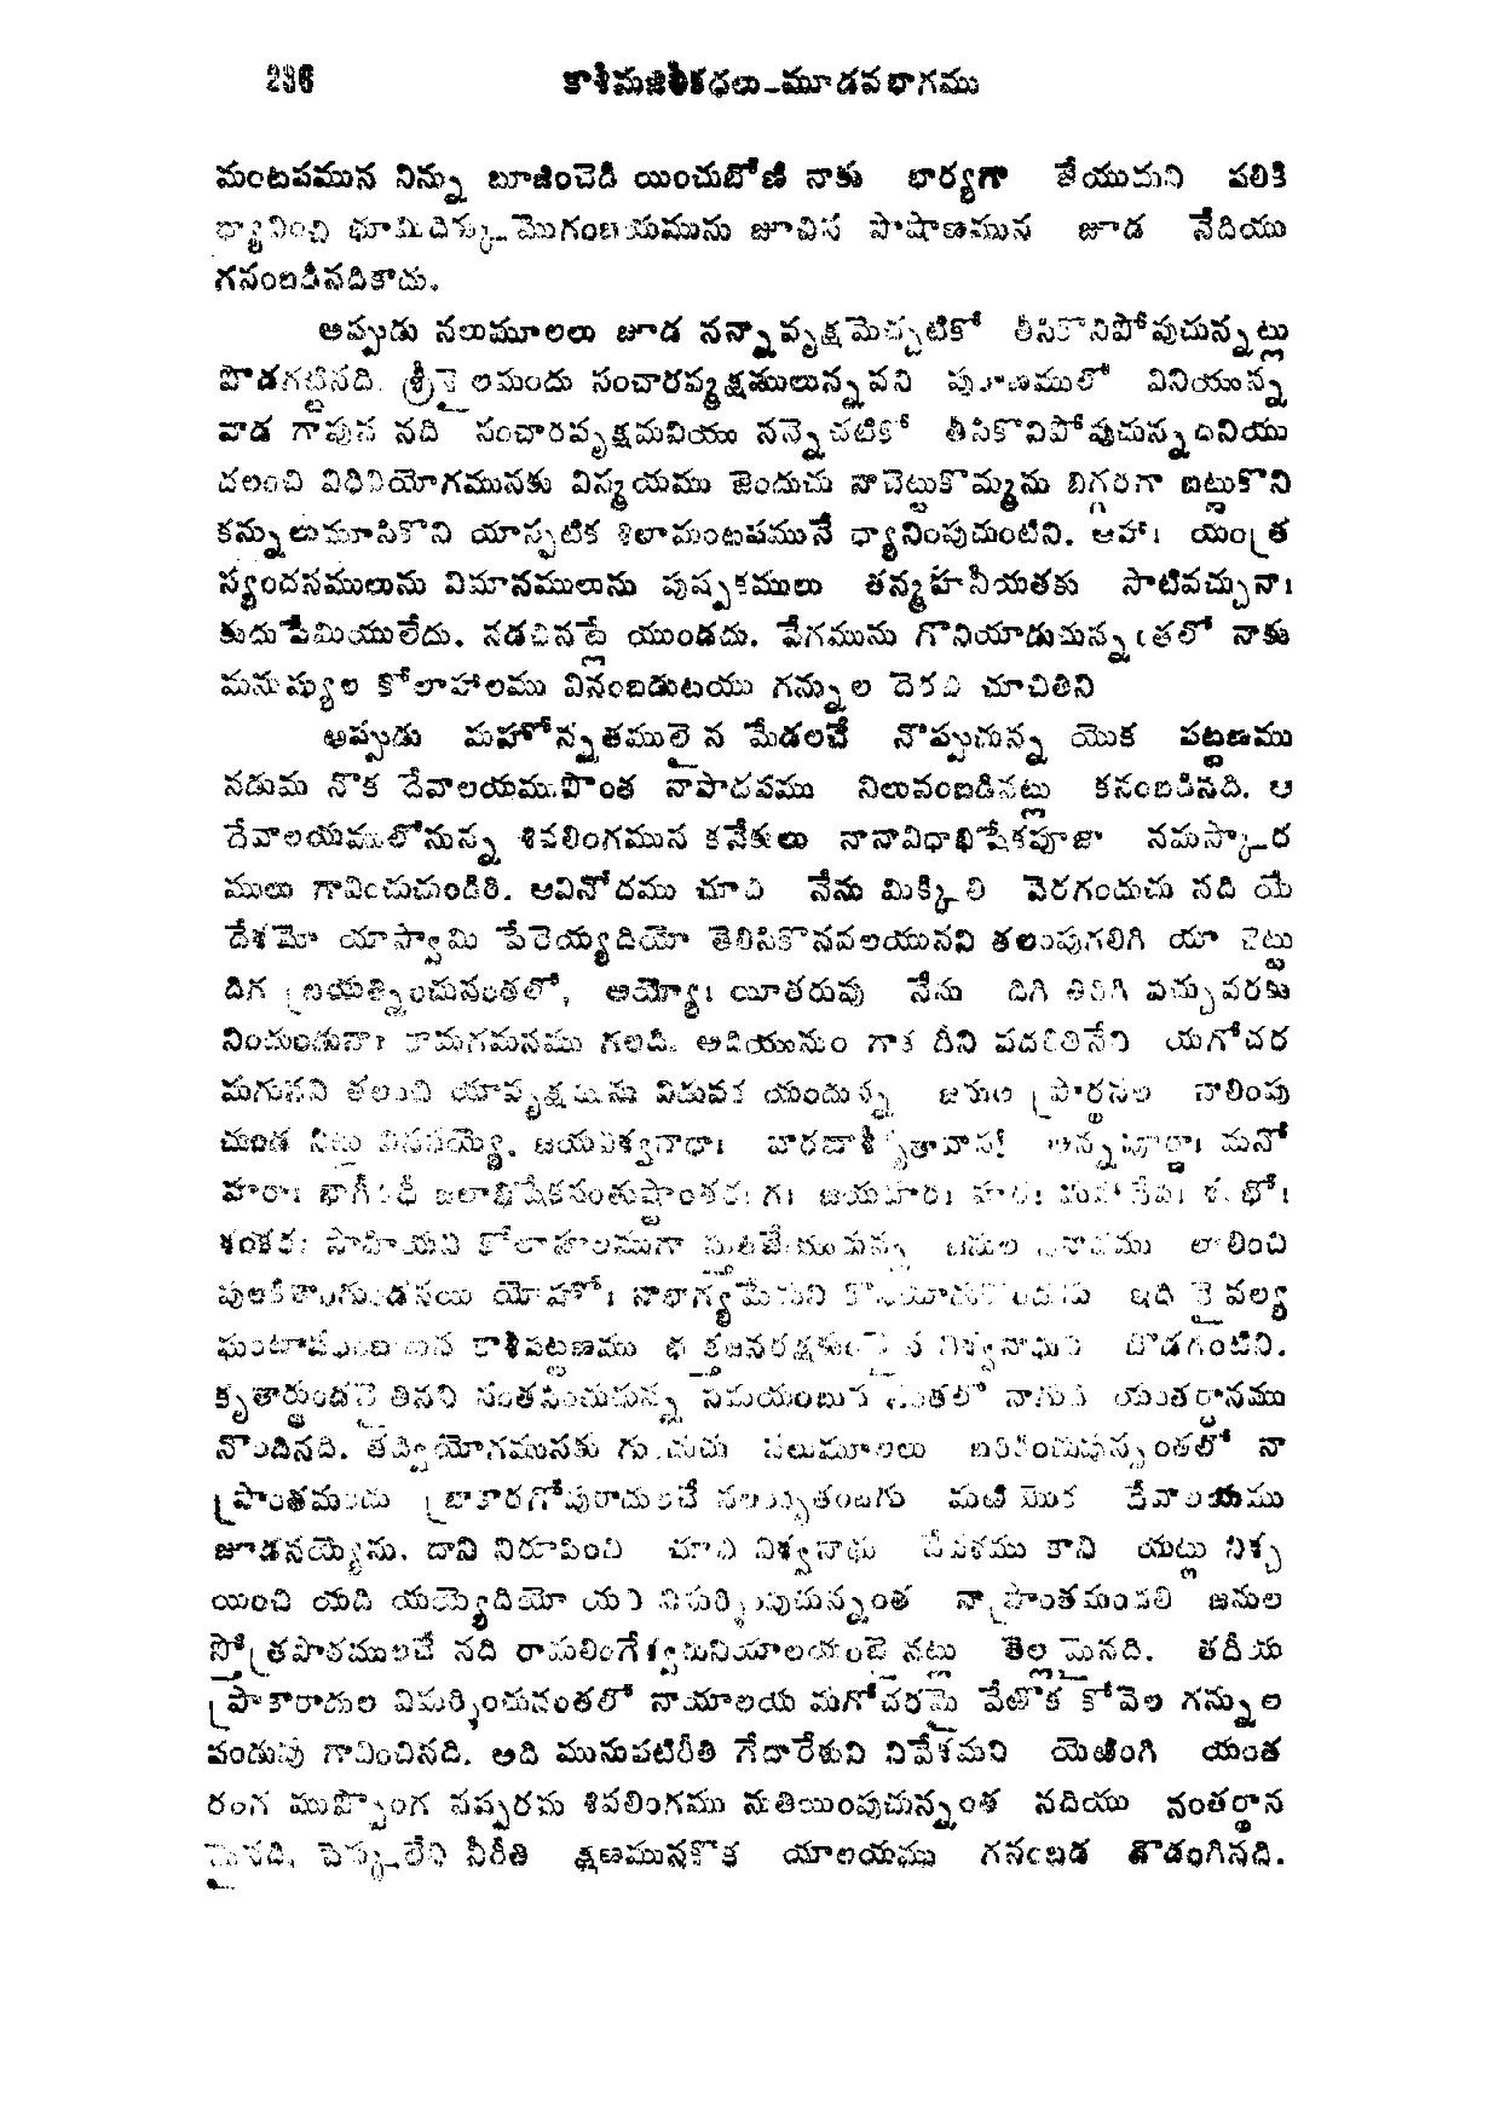మంటపమున నిన్ను బూజించెడి యించుబోణి నాకు భార్యగా జేయుదుని పలికి ధ్యానించి భూమిదిక్కు. మొగంబయమును జూచిన పాషాణమున జూడ నేదియు గనంబడినదికాదు.

అప్పుడు నలుమూలలు జూడ నన్నావృక్షమెచ్చటికో తీసికొనిపోవుచున్నట్లు పొడగట్టినది. శ్రీశైలమందు సంచారవృక్షములున్నవని పురాణములో వినియున్న వాడ గావున నది సంచారవృక్షమనియు నన్నెచటికో తీసికొనిపోవుచున్నదనియు దలంచి విధివియోగమునకు విస్మయము జెందుచు నాచెట్టుకొమ్మను బిగ్గరగా బట్టుకొని కన్నులుమూసికొని యాస్ఫటికశిలామంటపమునే ధ్యానింపుచుంటిని. ఆహా! యంత్రస్యందనములును విమానములును పుష్పకములు తన్మహనీయతకు సాటివచ్చునా! కుదుపేమియులేదు. నడచినట్లే యుండదు. వేగమును గొనియాడుచున్నంతలో నాకు మనుష్యుల కోలాహాలము వినంబడుటయు గన్నుల దెరచి చూచితిని.

అప్పుడు మహోన్నతములైన మేడలచే నొప్పుచున్న యొక పట్టణము నడుమ నొక దేవాలయముపొంత నాపాదపము నిలువంబడినట్లు కనంబడినది. ఆ దేవాలయములోనున్న శివలింగమున కనేకులు నానావిధాభిషేకపూజానమస్కారములు గావించుచుండిరి. అవినోదము చూచి నేను మిక్కిలి వెరగందుచు నది యే దేశమో యాస్వామి పేరెయ్యదియో తెలిసికొనవలయునని తలంపుగలిగి యా చెట్టు దిగ బ్రయత్నించునంతలో, అయ్యో! యీతరువు నేను దిగి తిరిగి వచ్చువరకు నిందుండునా? కామగమనము గలది. అదియునుం గాక దీని వదలితినేని యగోచర మగునని తలంచి యావృక్షమును విడువక యందున్న జనుల ప్రార్థనల నాలింపుచుండ నిట్లు విననయ్యె. జయవిశ్వనాథాై! వారణాశీకృతవాస! అన్నపూర్ణా! మనోహరా! భాగీరధీ జలాభిషేకసంతుష్టాంతరంగ! జయహర! హరఃమహాదేవ! శంభో! శంకర ! పాహియని కోలాహలముగా స్తుతిజేయుచున్న నినాదము లాలించి పులకితాంతుండయిన కాశీపట్టణము భక్తజనరక్షకుండైన విశ్వనాధుని బొడగంటిని. కృతార్థుండనైతినని సంతసించుచున్న సమయంబున నంతలో నాగుడి యంతర్దానము నొందినది. తద్వియోగమునకు గుందుచు నలుమూలలు బరికింపుచున్నంతలో నా ప్రాంతమందు బ్రాకారగోపురాదులచే నలంకృతంబగు మఱియొక దేవాలయము జూడనయ్యెను. దాని నిరూపించి చూచి విశ్వనాథు దేవళము కాని యట్లు నిశ్చయించి యది యయ్యెదియో యని విమర్శింపుచున్నంత నాప్రాంతమందలి జనుల స్తోత్రపాఠములచే నది రామలింగేశ్వరునియాలయంబై నట్లు తెల్లమైనది. తదీయ ప్రాకారాదుల విమర్శించునంతలో నాయాలయ మగోచరమై వేఱొక కోవెల గన్నుల పండువు గావించినది. అది మునుపటిరీతి గేదారేశుని నివేశమని యెఱింగి యంతరంగ ముప్పొంగ నప్పరమ శివలింగము నుతియింపుచున్నంత నదియు నంతర్ధాన మైనది. పెక్కులేని నీరీతి క్షణమునకొక యాలయము గనంబడ దొడంగినది.